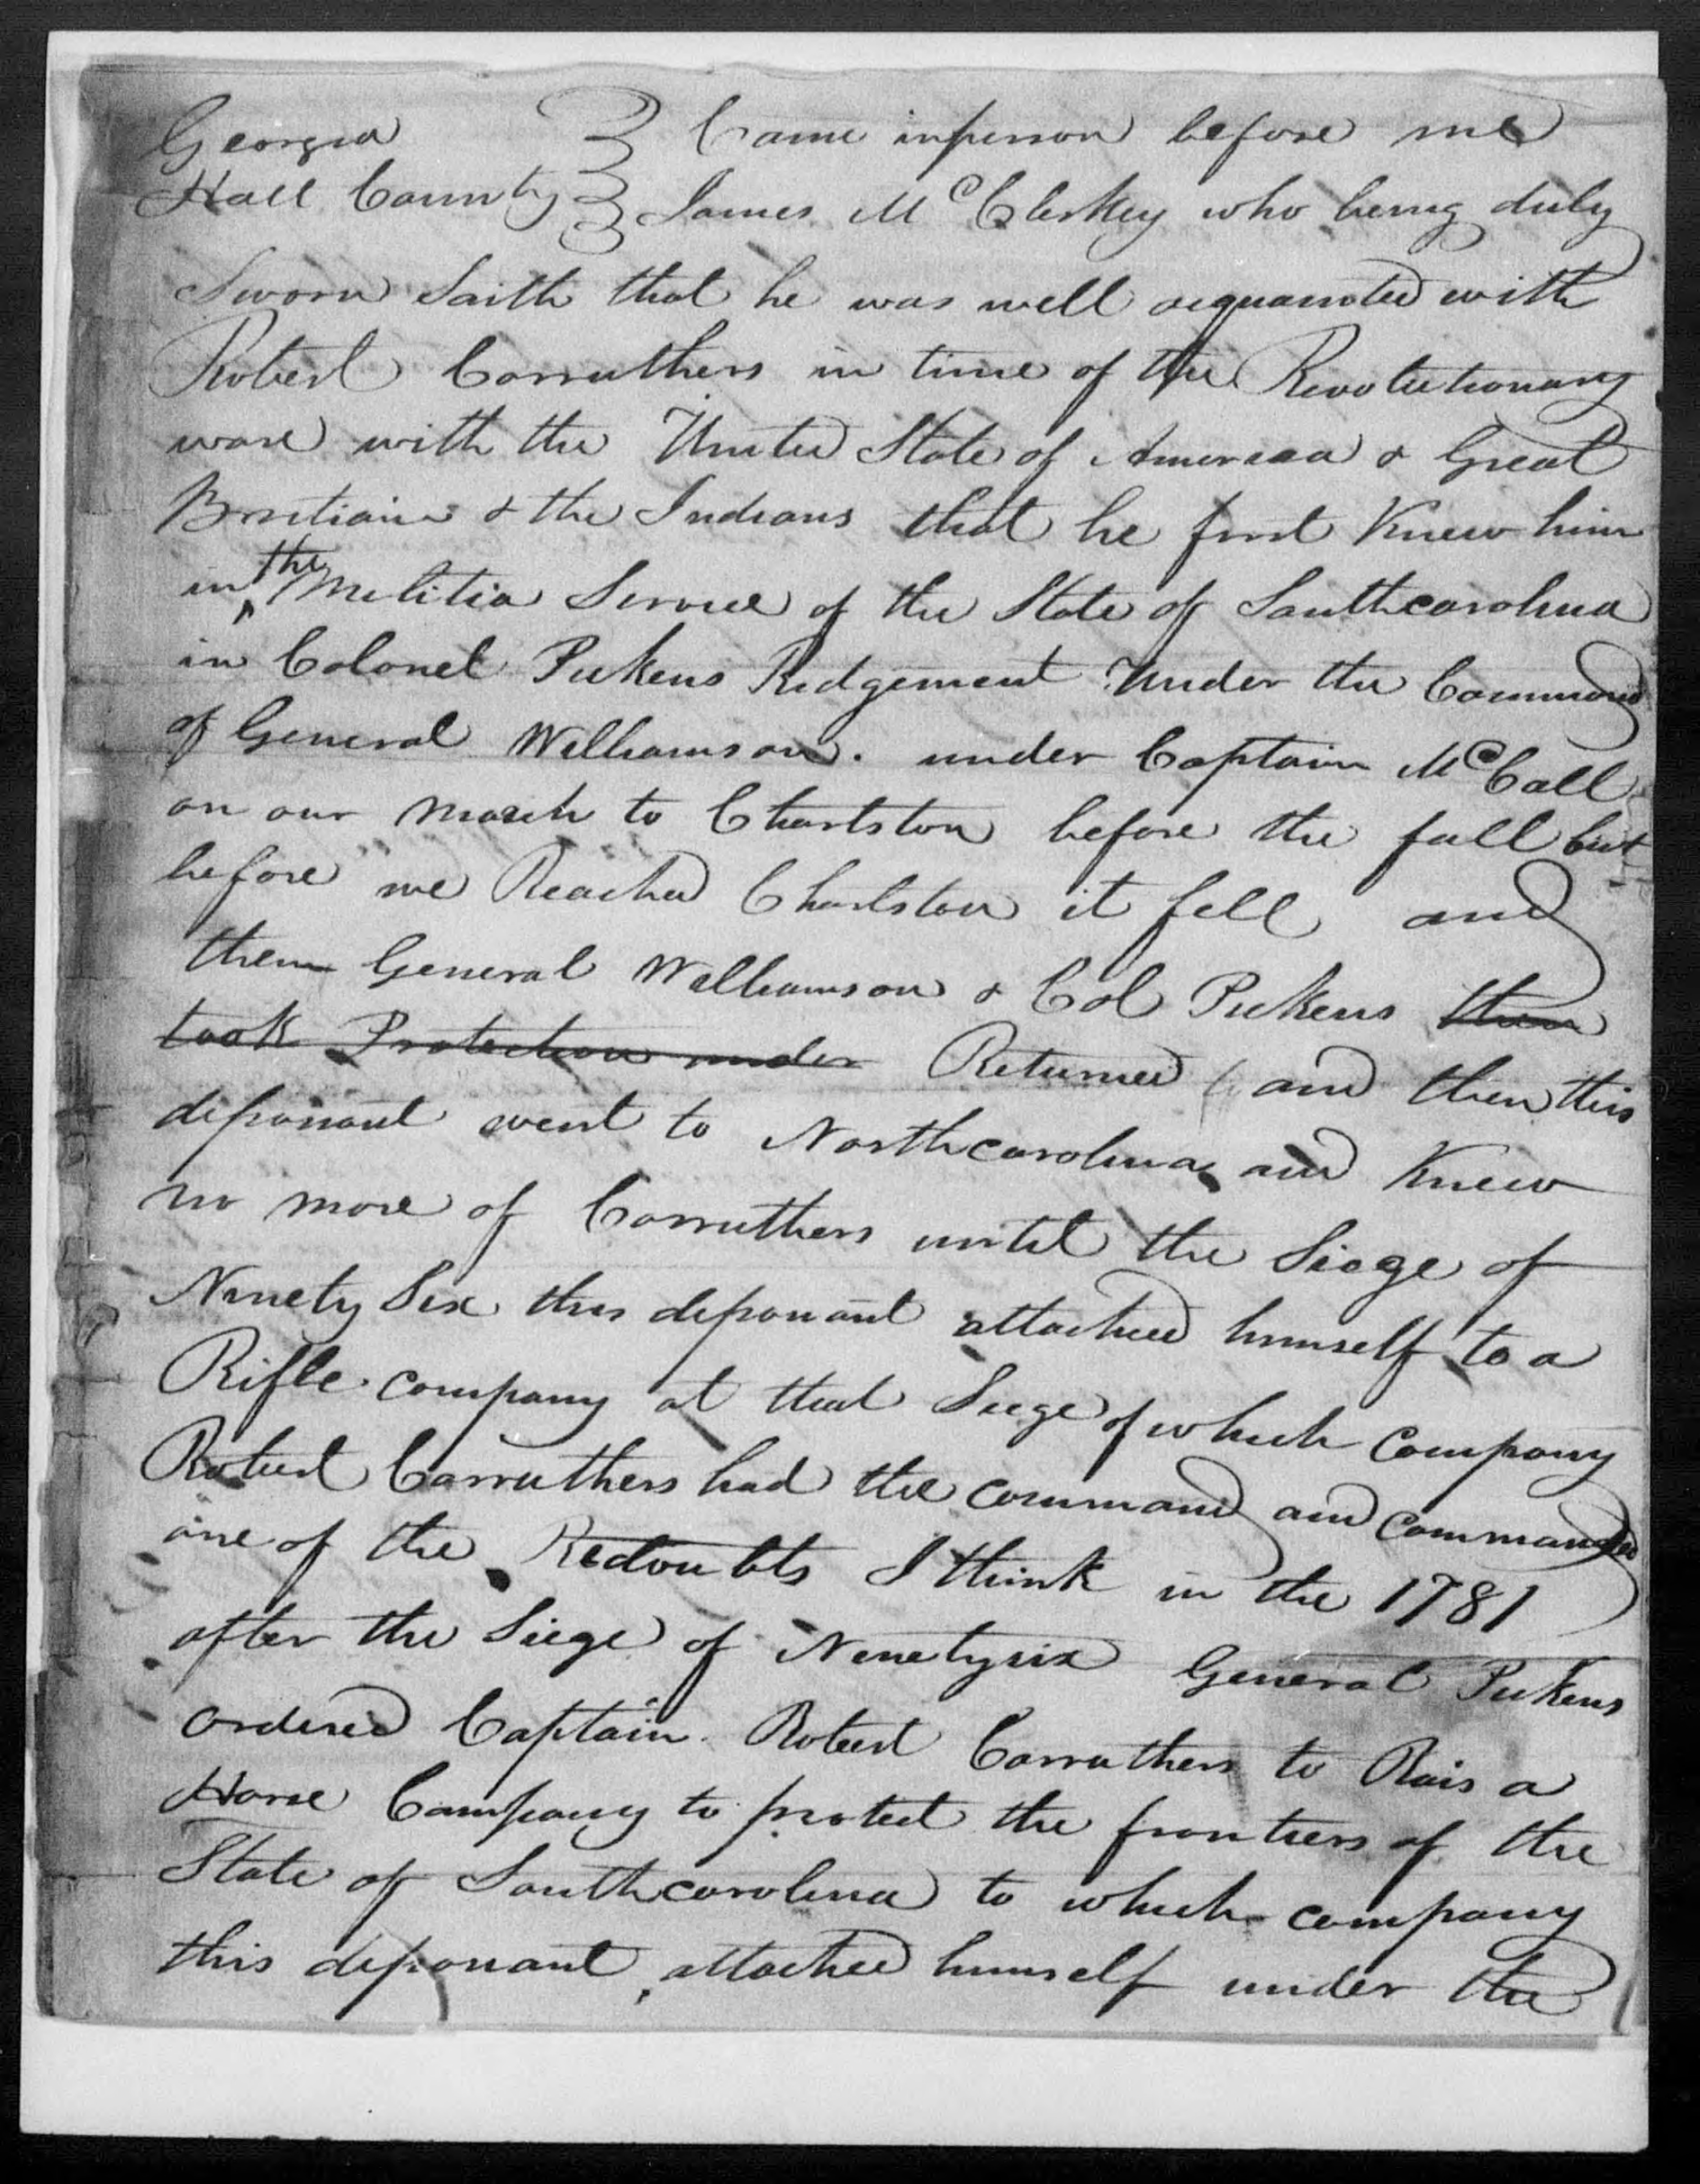[ Georgia Hall County ] Came in person before me  James Mc Clesky who being duly sworn saith that he was well acquainted with Robert Carruthers in time of the Revolutionary war with the the United States of America and Great Britain & the Indians that he first knew him in the Militia service of the State of South Carolina in Colonel Pickens Regiment under the command of General Williamson under Captain Mc Call on our march to Charleston  before the fall but before we reached Charleston it fell and then General Williamson  & Col. Pickens returned and then this deponent went to North Carolina and knew no more of Carruthers until the Siege of Ninety Six, this deponent attached himself to a Rifle company at that Siege of which company Robert Carruthers had the command and commanded after the Siege of Ninety Six  General Pickens order Captain Robert Carruthers to raise a Horse Company to protect the frontiers of the State of South Carolina to which company this deponent attached himself under the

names: Robert Carruthers, Mc Call, Williamson, James Mc Cleskey, Pickens, Carruthers, Williamson, Robert Carruthers, Robert Carruthers, Robert Carruthers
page: 30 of 33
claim: widow's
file: W. 23779, Robert Carithers, S.C.